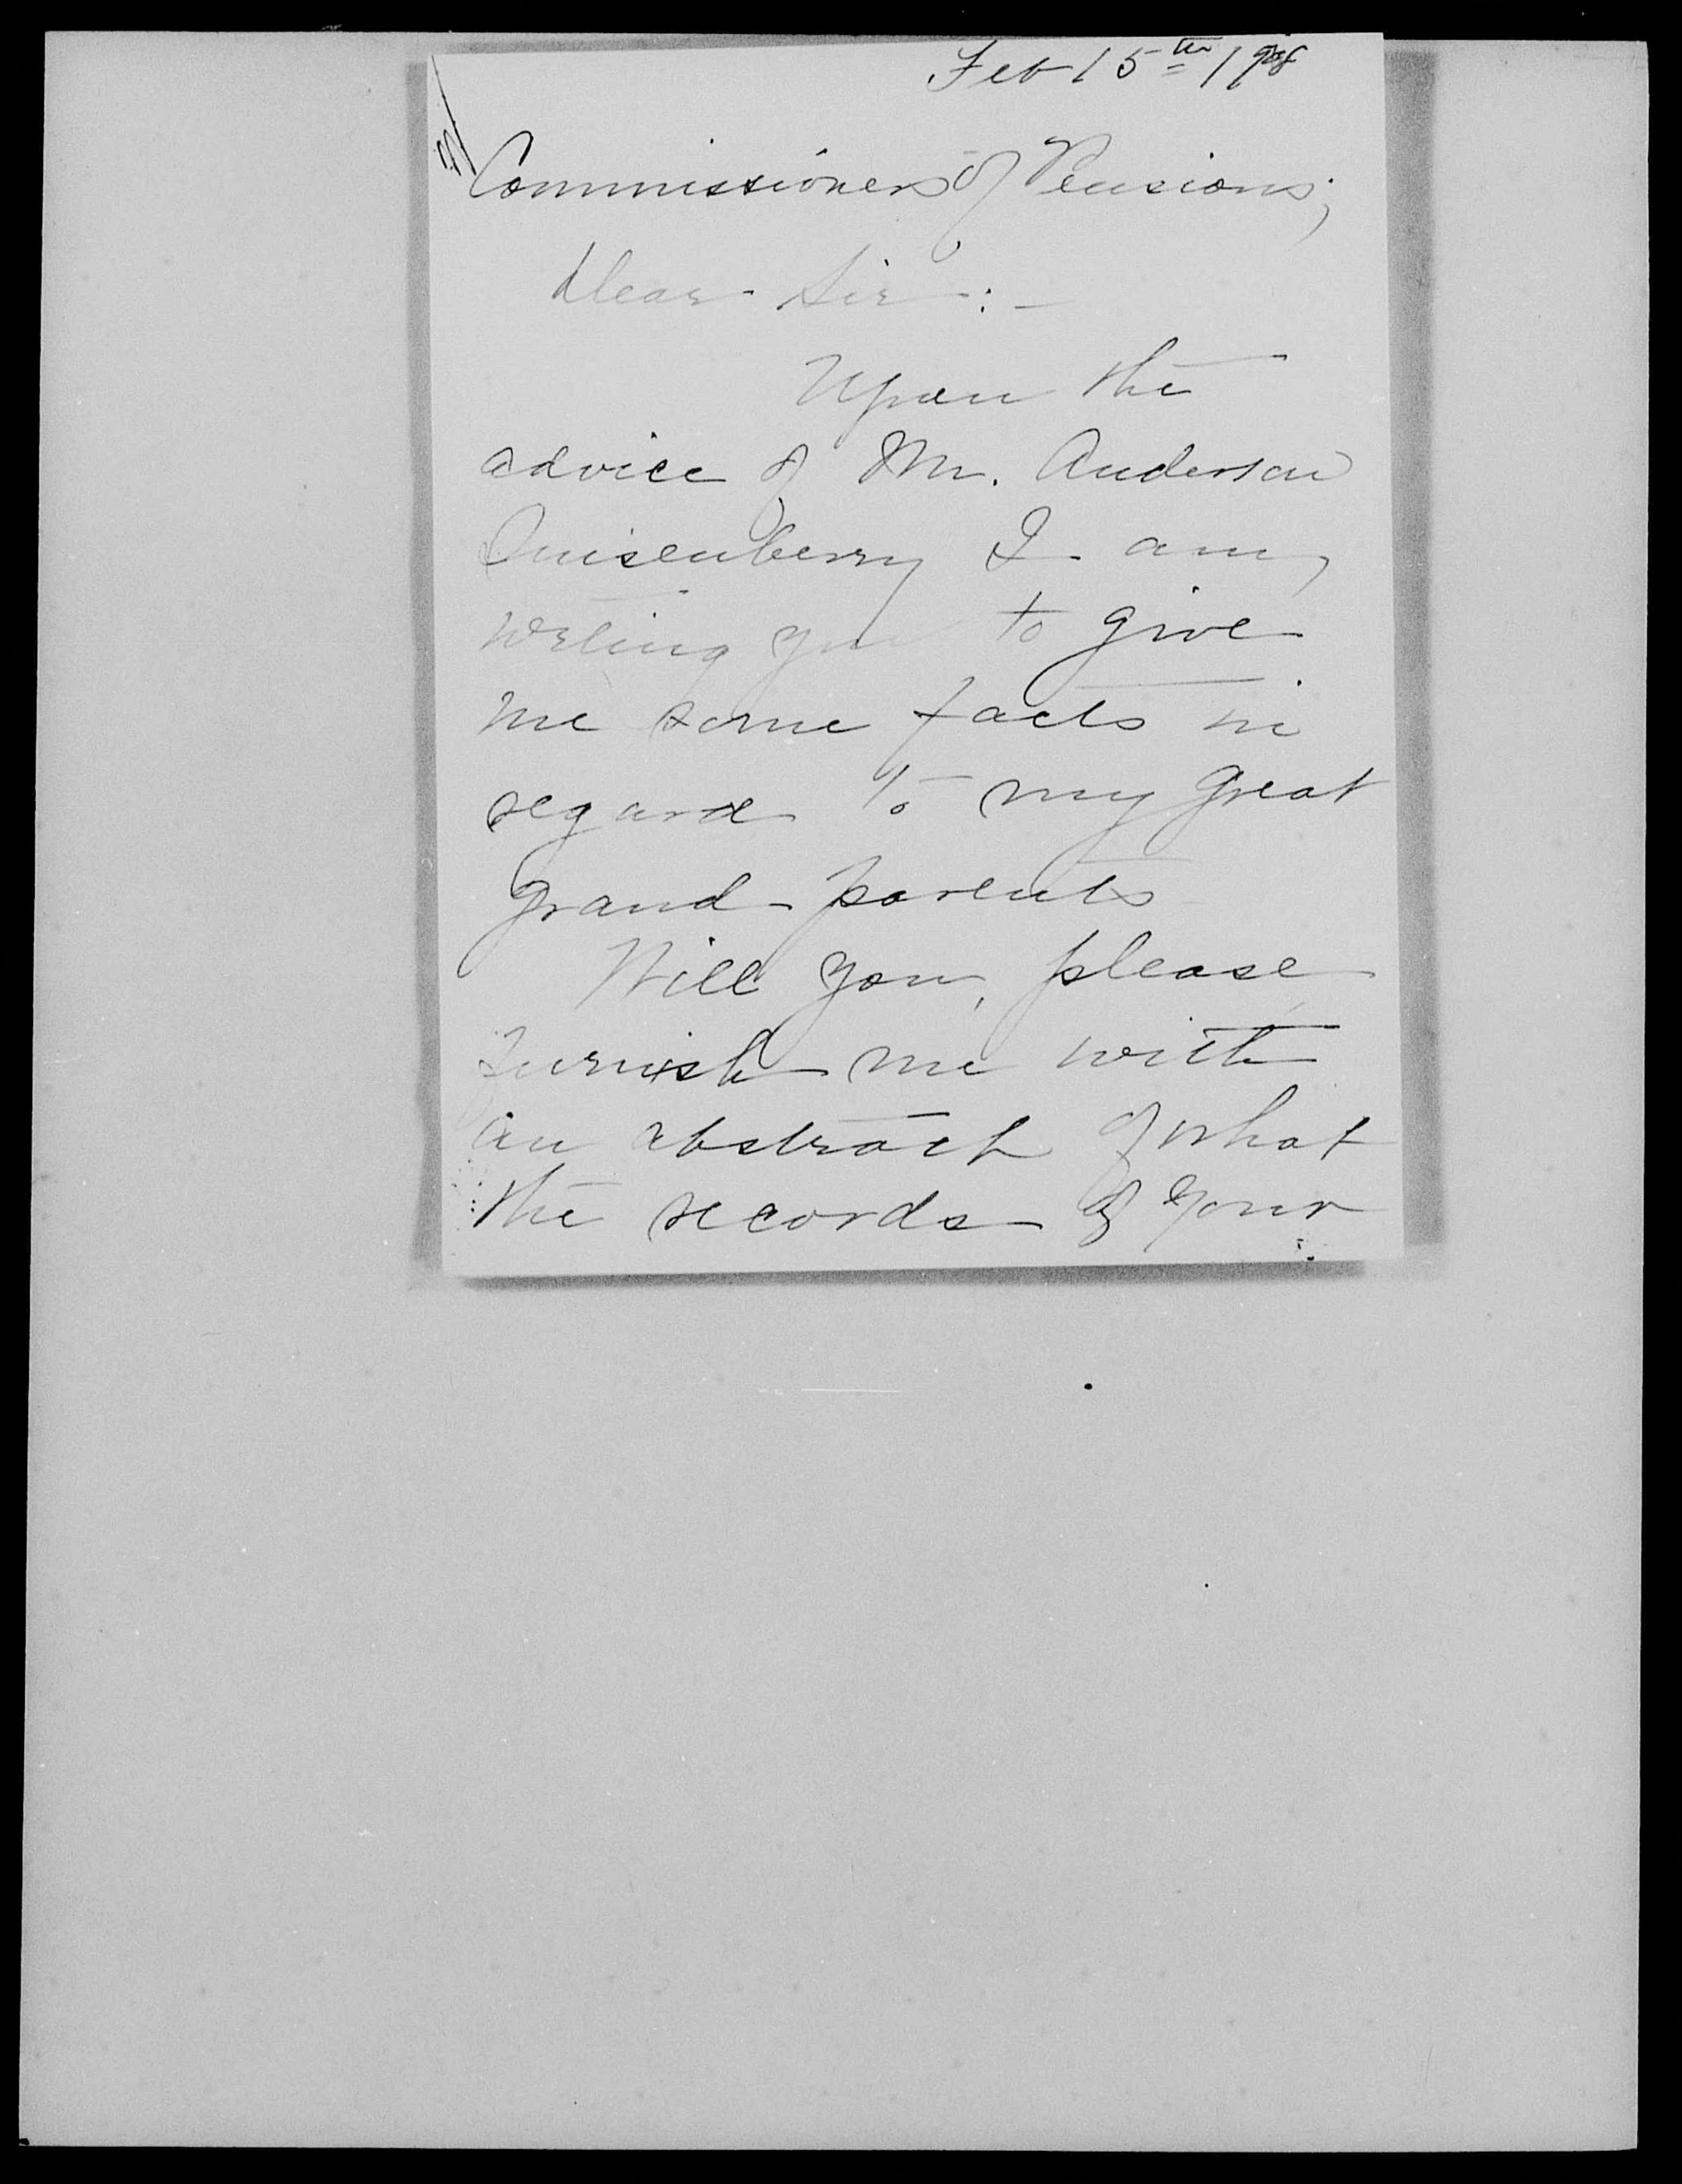Feb 15th 1908
Commissioner of Pensions
Dear Sir
Upon the
advice of Mr. Anderson
Quisenberry I am writing you
to give
me some facts in
regard
to my great
grand-parents
Will you please
furnish me with
an abstract of what
the records of your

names: [BLANK] Anderson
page: 20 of 45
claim: survivor's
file: S. 31294, for Matthew Patton, Maryland